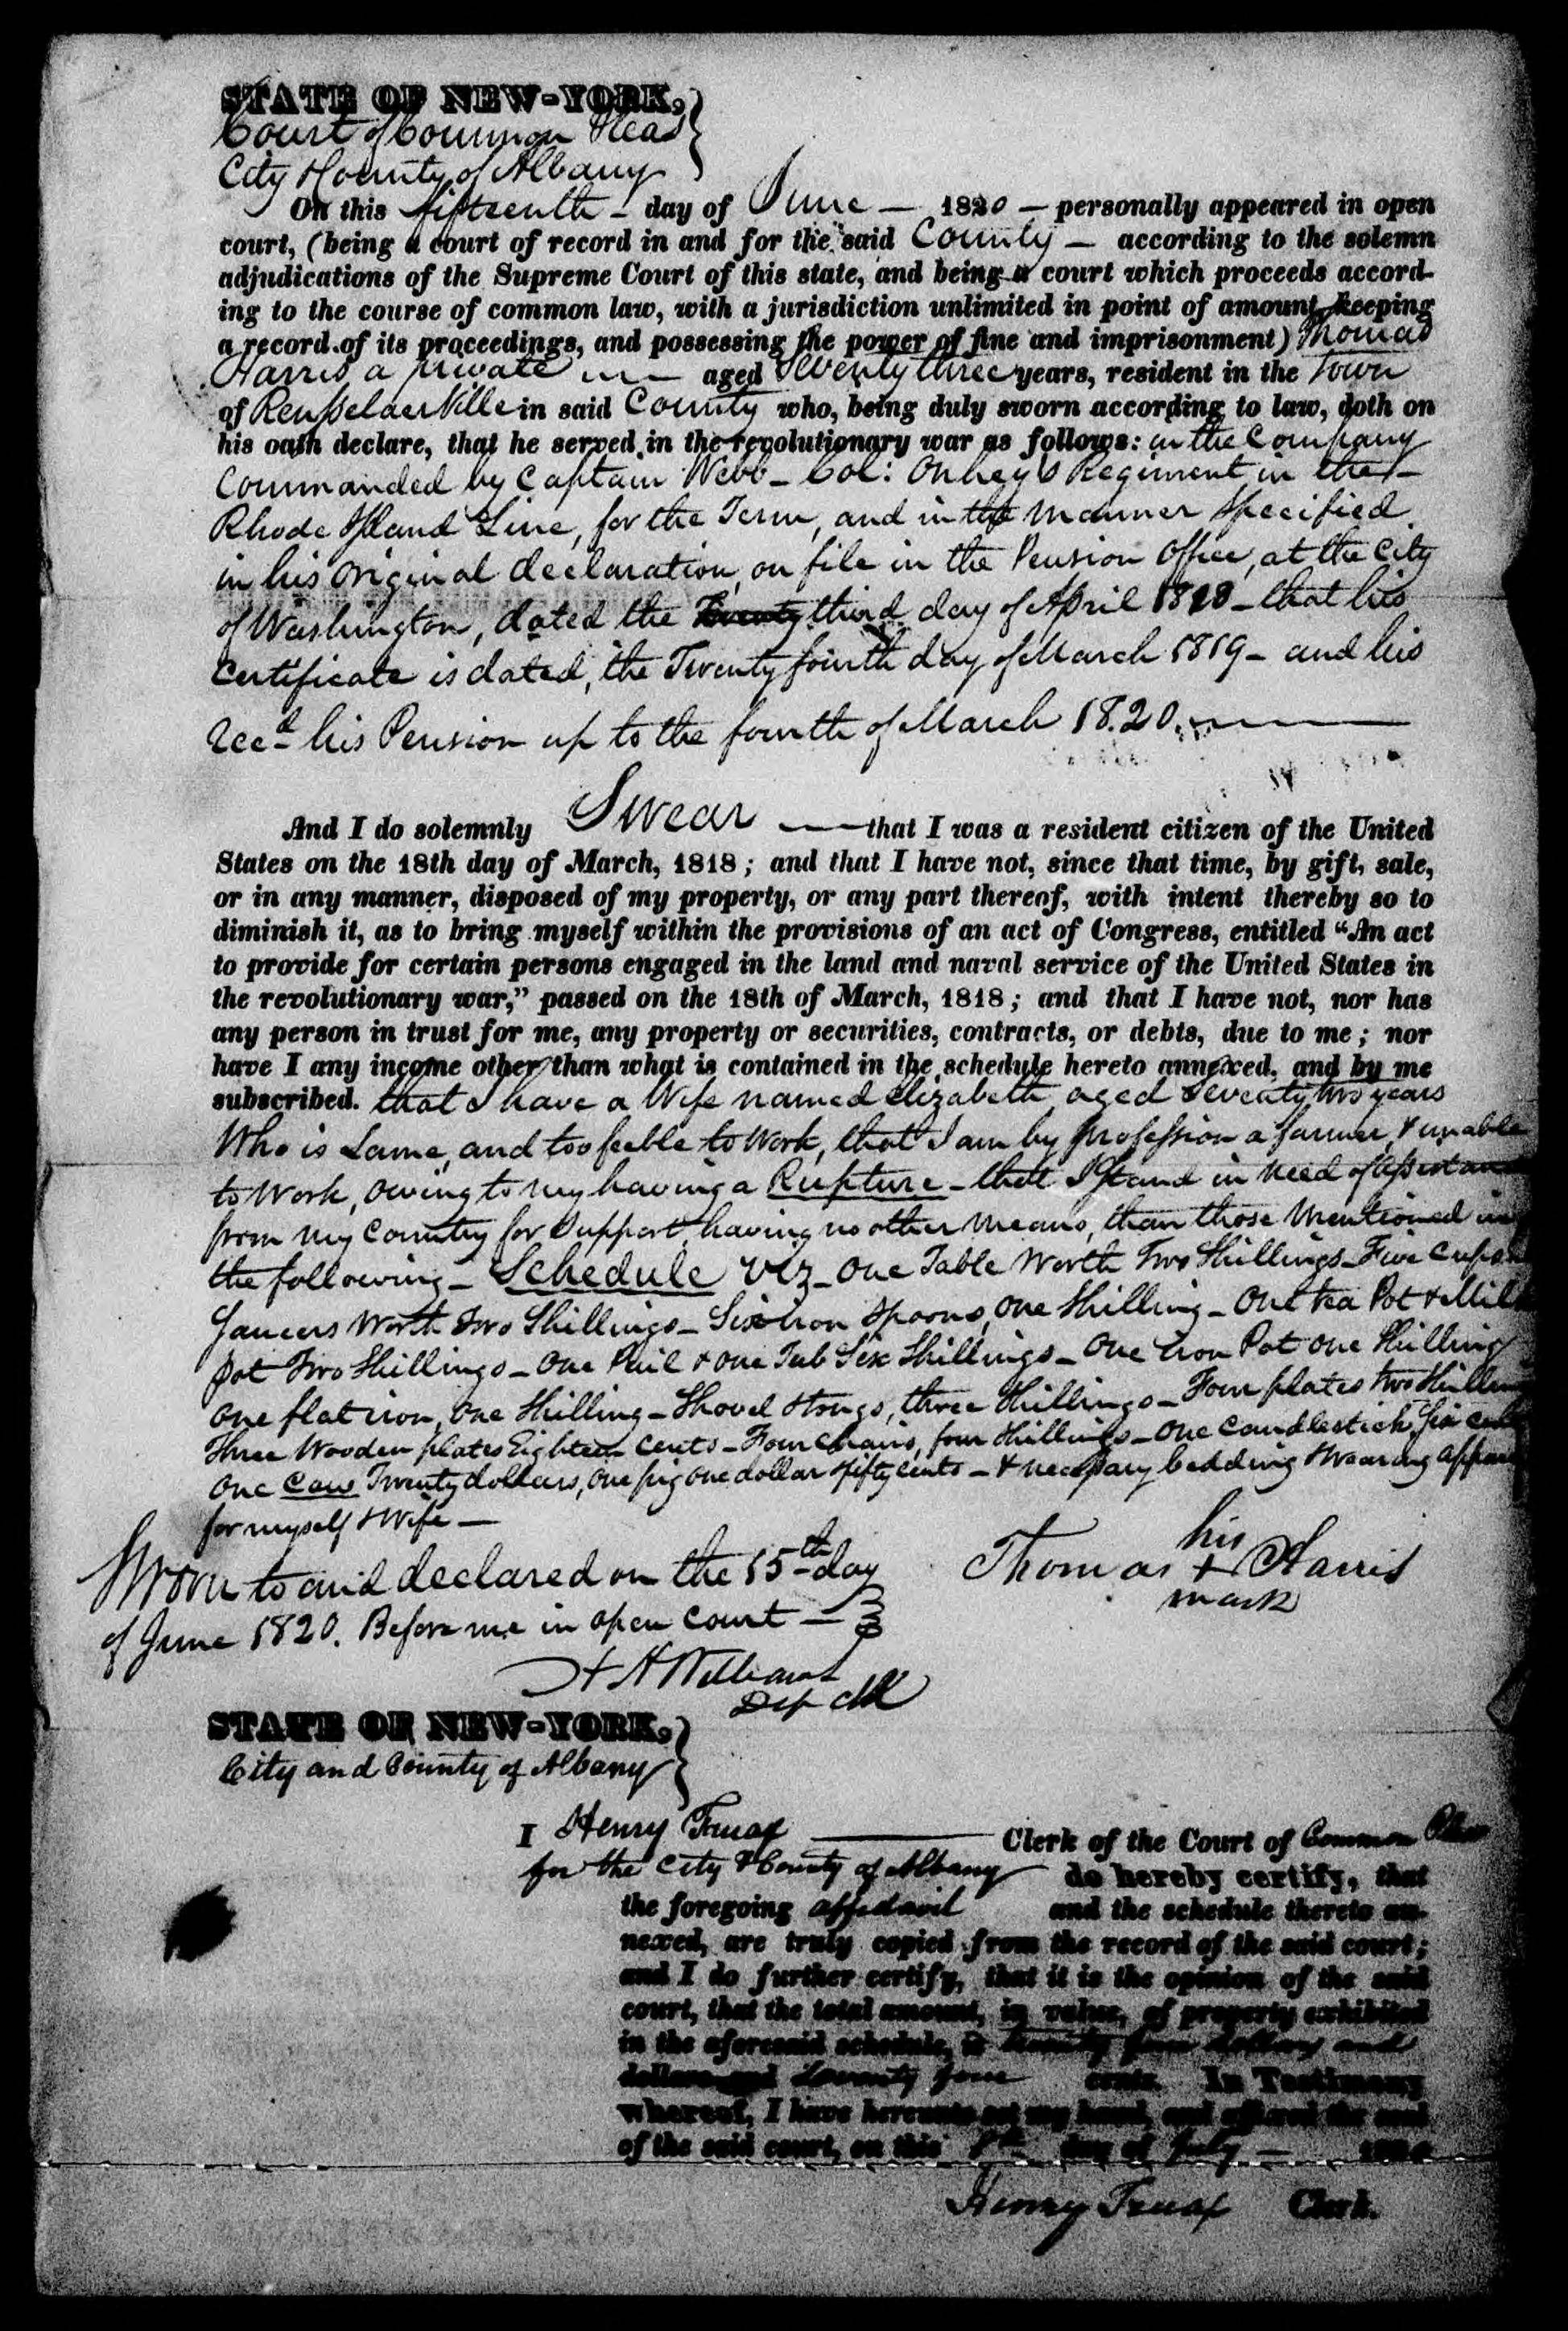STATE OF NEW - YORK
Court of Common Pleas
City /County of Albany
On this fifteenth - day of June - 1820 personally appeared in open court, (being a court of record in and for the said County - according to the solemn adjudications of the Supreme Court of this state, and being a court which proceeds according to the course of the common law, with a jurisdiction unlimited in point of amount keeping a record of its proceedings, and possessing the power of fin and imprisonment) Thomas Harris a private aged Seventy Three years, resident in the Town of Rensselaerville in said County who, being duly sworn according to law, doth on his oath declare, that he served in the revolutionary war as follows: in the company Commanded by Captain Webb _  Col. Onley's Regiment in the Rhode Island Line, for the Term, and in the manner specified in his original declaration, on file in the Pension office, at the City of Washington, dated the third day of April 1818 that his certificate is dated, the Twenty fourth day of March 1819 - and has rec-d his Pension up to the fourth of March 1820 _______
 ---
And I do solemnly Swear --- that I was a resident citizen of the United States on the 18th day of March 1818; and that I have not, since that time, by gift, sale, or in any manner, disposed of my property, or any part thereof, with intent thereby so to diminish it, as to bring myself within the provisions of an act of Congress, entitled "An act to provide for certain persons engaged in the land and naval service of the United States in the revolutionary war," passed on the 18th of March, 1818; and that I have not, nor has any person in trust for me, any property or securities, contracts, or debts, due to me ; nor have I any income other than what is contained in the schedule hereto annexed, and  by me subscribed. That I have a Wife named Elizabeth aged Seventy two years. Who is Lame and too feeble to work, that I am by profession a farmer unable to work, owing to my having a Rupture - that I stand in need of assistance from my country for support having no other means, than those mentioned using the following - Schedule viz_one Table Worth Two Shillings, Five cups & saucers Worth Two Shillings _ Six iron spoons, one shilling_One tea pot & milk pot _ Two Shillings_ one pail + one tub Six Shillings_ One Iron Pot one Shilling 
one flat iron, one Shilling_ Shovel + tongs, three Shillings_ Four plates two Shillings, 
Three Wooden plates eighteen cents_ Four chairs, four shillings_ one candlestick six cents 
One Cow Twenty dollars, one pig one dollar fifty cents _ +necessary bedding + wearing apparel for myself + Wife. 
his X
Thomas Harris 
mark
Sworn to and declared on the 15th day of June 1820 Before me in open court 
H Williams 
Dep Clk
STATE OF NEW-YORK
City and County of Albany
I Henry Truax Clerk of the Court of Common Pleas for the City + County of Albany do hereby certify, that the foregoing affidavit and the schedule thereto annexed are truly copied from the record of the said court; and I do further certify, that it is the opinion of the said court, that the total amount in value of property exhibited in the aforesaid schedule to twenty five dollars and seventy four cents. In Testimony whereof, I have herewith set my hand and affixed the seal of the said court, on this 8th day of July 1820
Henry Truax Clerk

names: Henry Truax, Webb, Henry Truax, H H Williams, Thomas Harris, Elizabeth, Thomas Harris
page: 4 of 16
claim: survivor's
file: S. 38815, Thomas Harris, R.I.